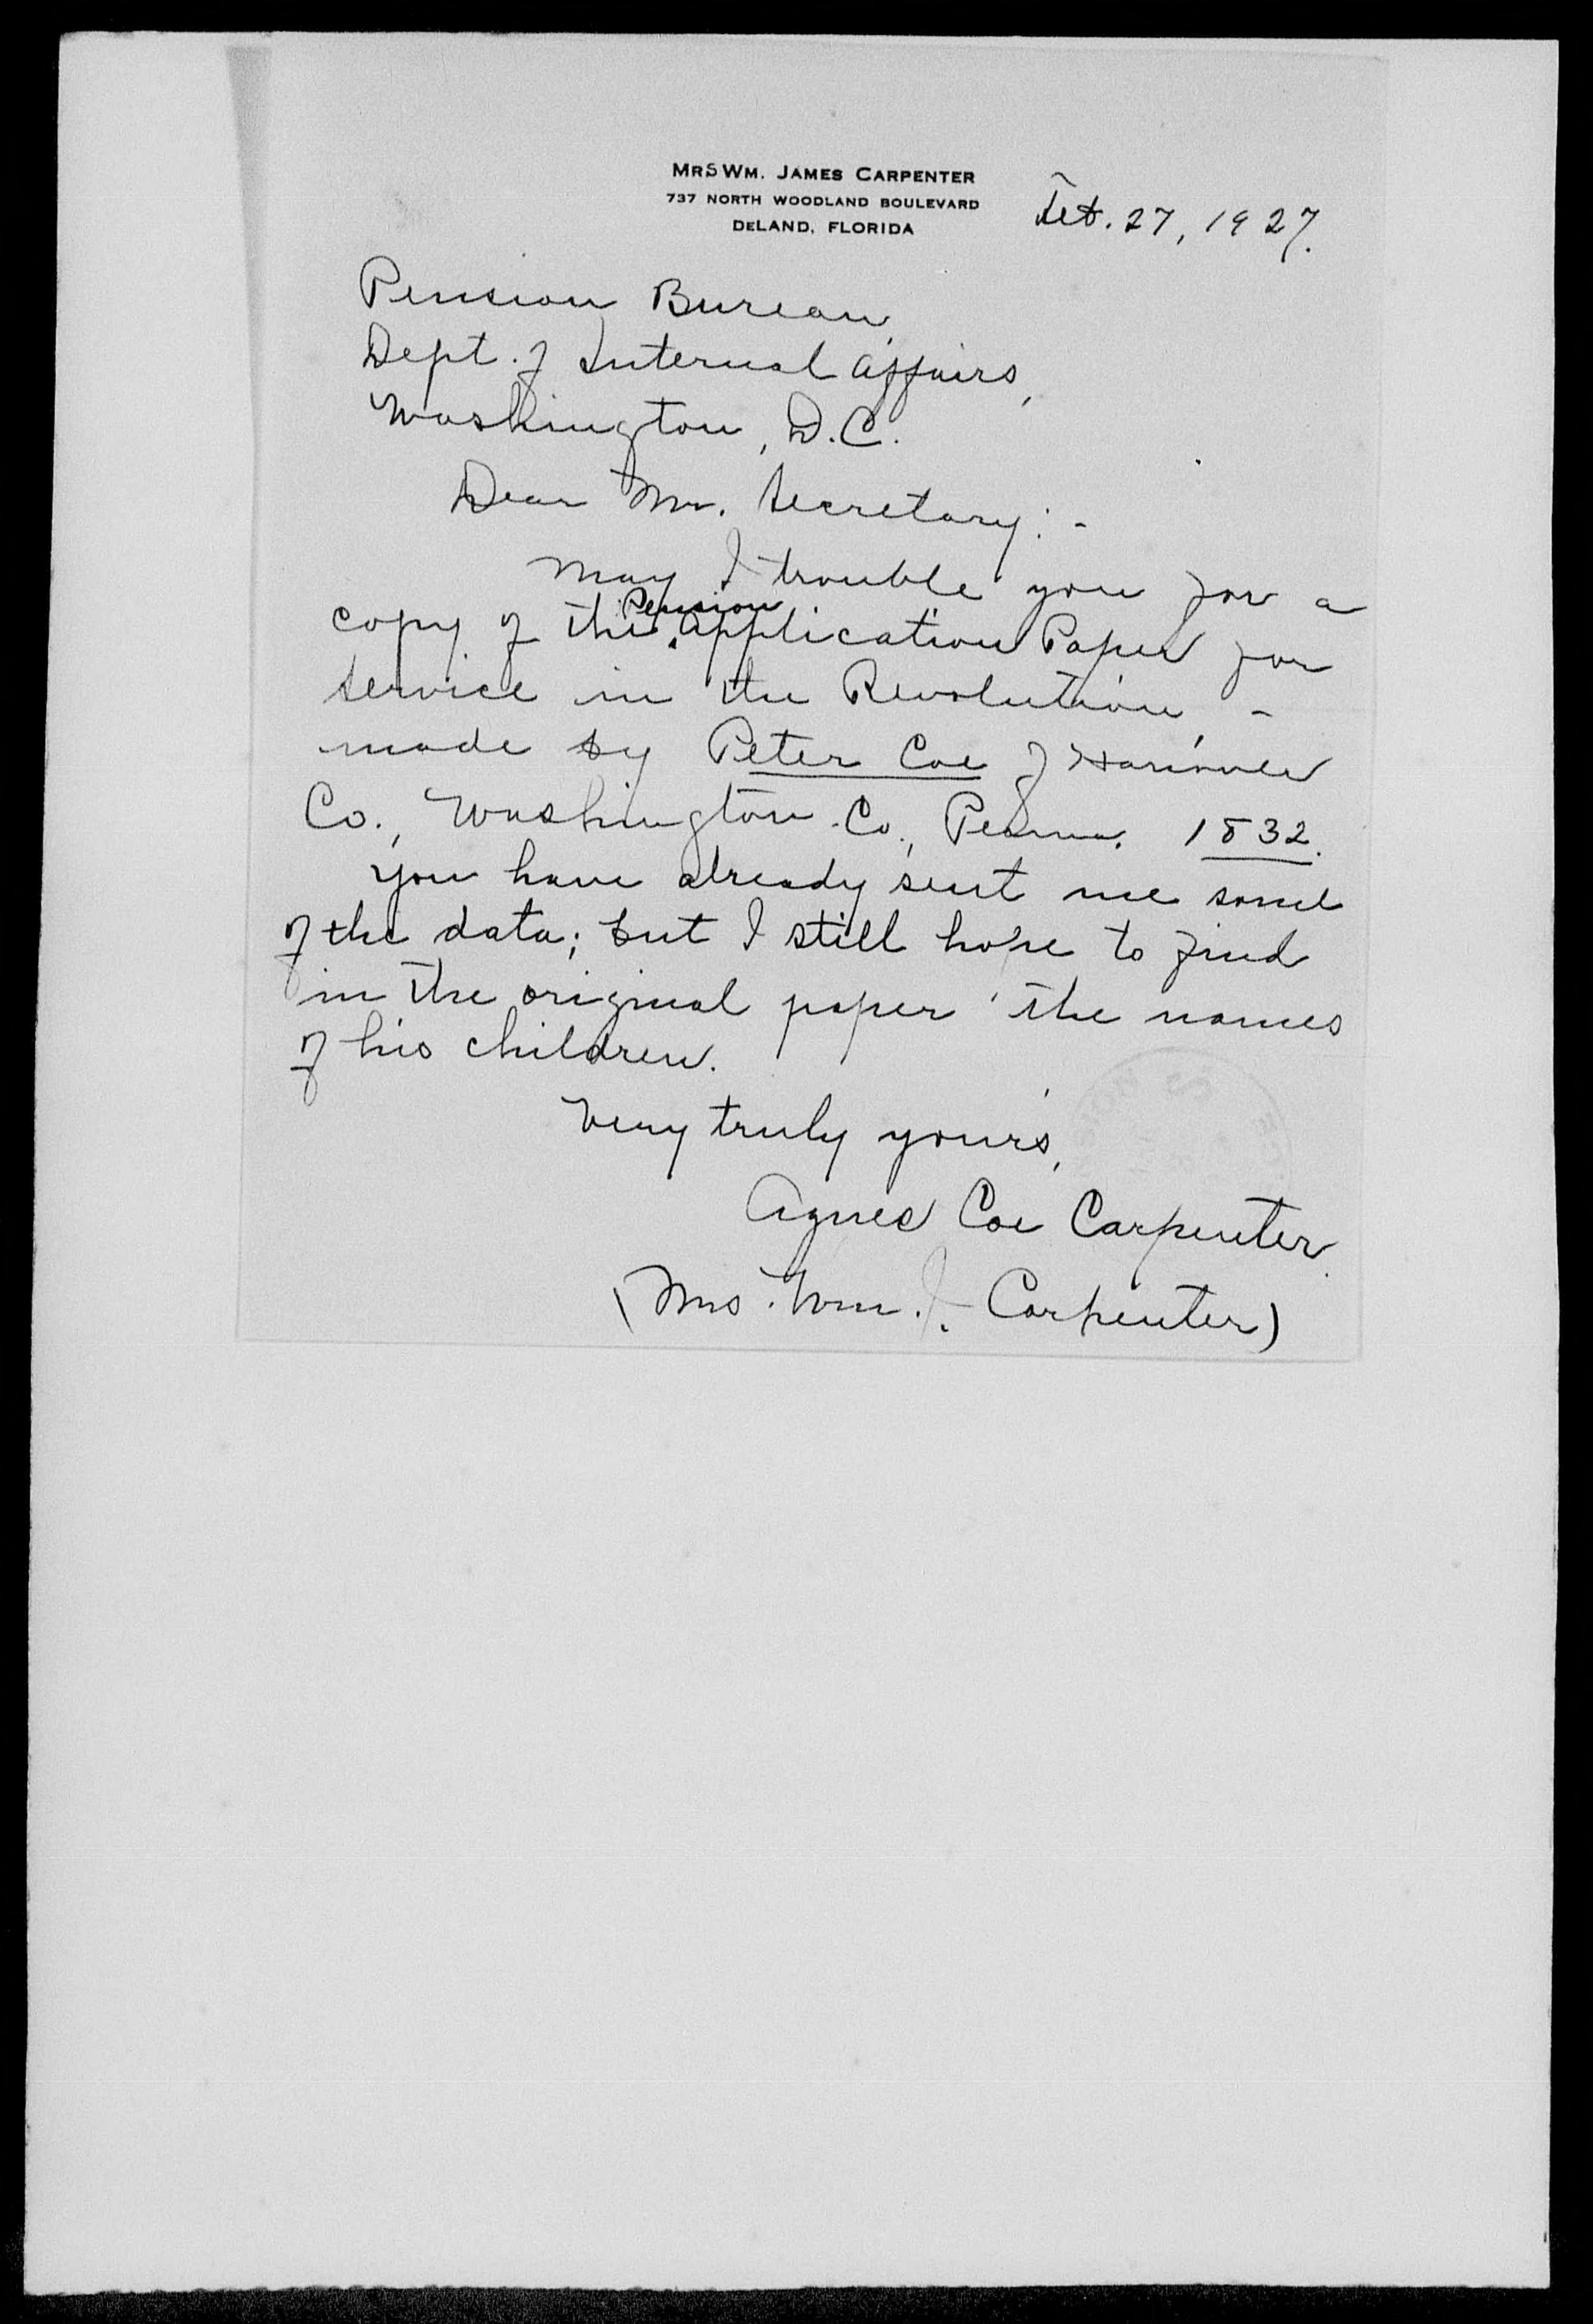Mrs. Wm. James Carpenter
737 North Woodland Boulevard
Deland, Florida
Feb. 27, 1927.
Pension Bureau
Dept. of Internal Affairs,
Washington, D.C.
Dear Mr. Secretary:
May I trouble you for a copy of the Pension application Paper for service in the Revolution, made by Peter Coe of Hanover Co., Washington Co., Penn. 1832.
You have already sent me some of the data; but I still hope to find in the original papers the names of his children. 
Very truly yours,
Agnes Coe Carpenter
(Mrs. Wm. J. Carpenter)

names: Wm James Carpenter, Wm J Carpenter, Peter Coe, Agnes Coe Carpenter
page: 20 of 23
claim: survivor's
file: S. 3167, Peter Coe, New Jersey Penn.